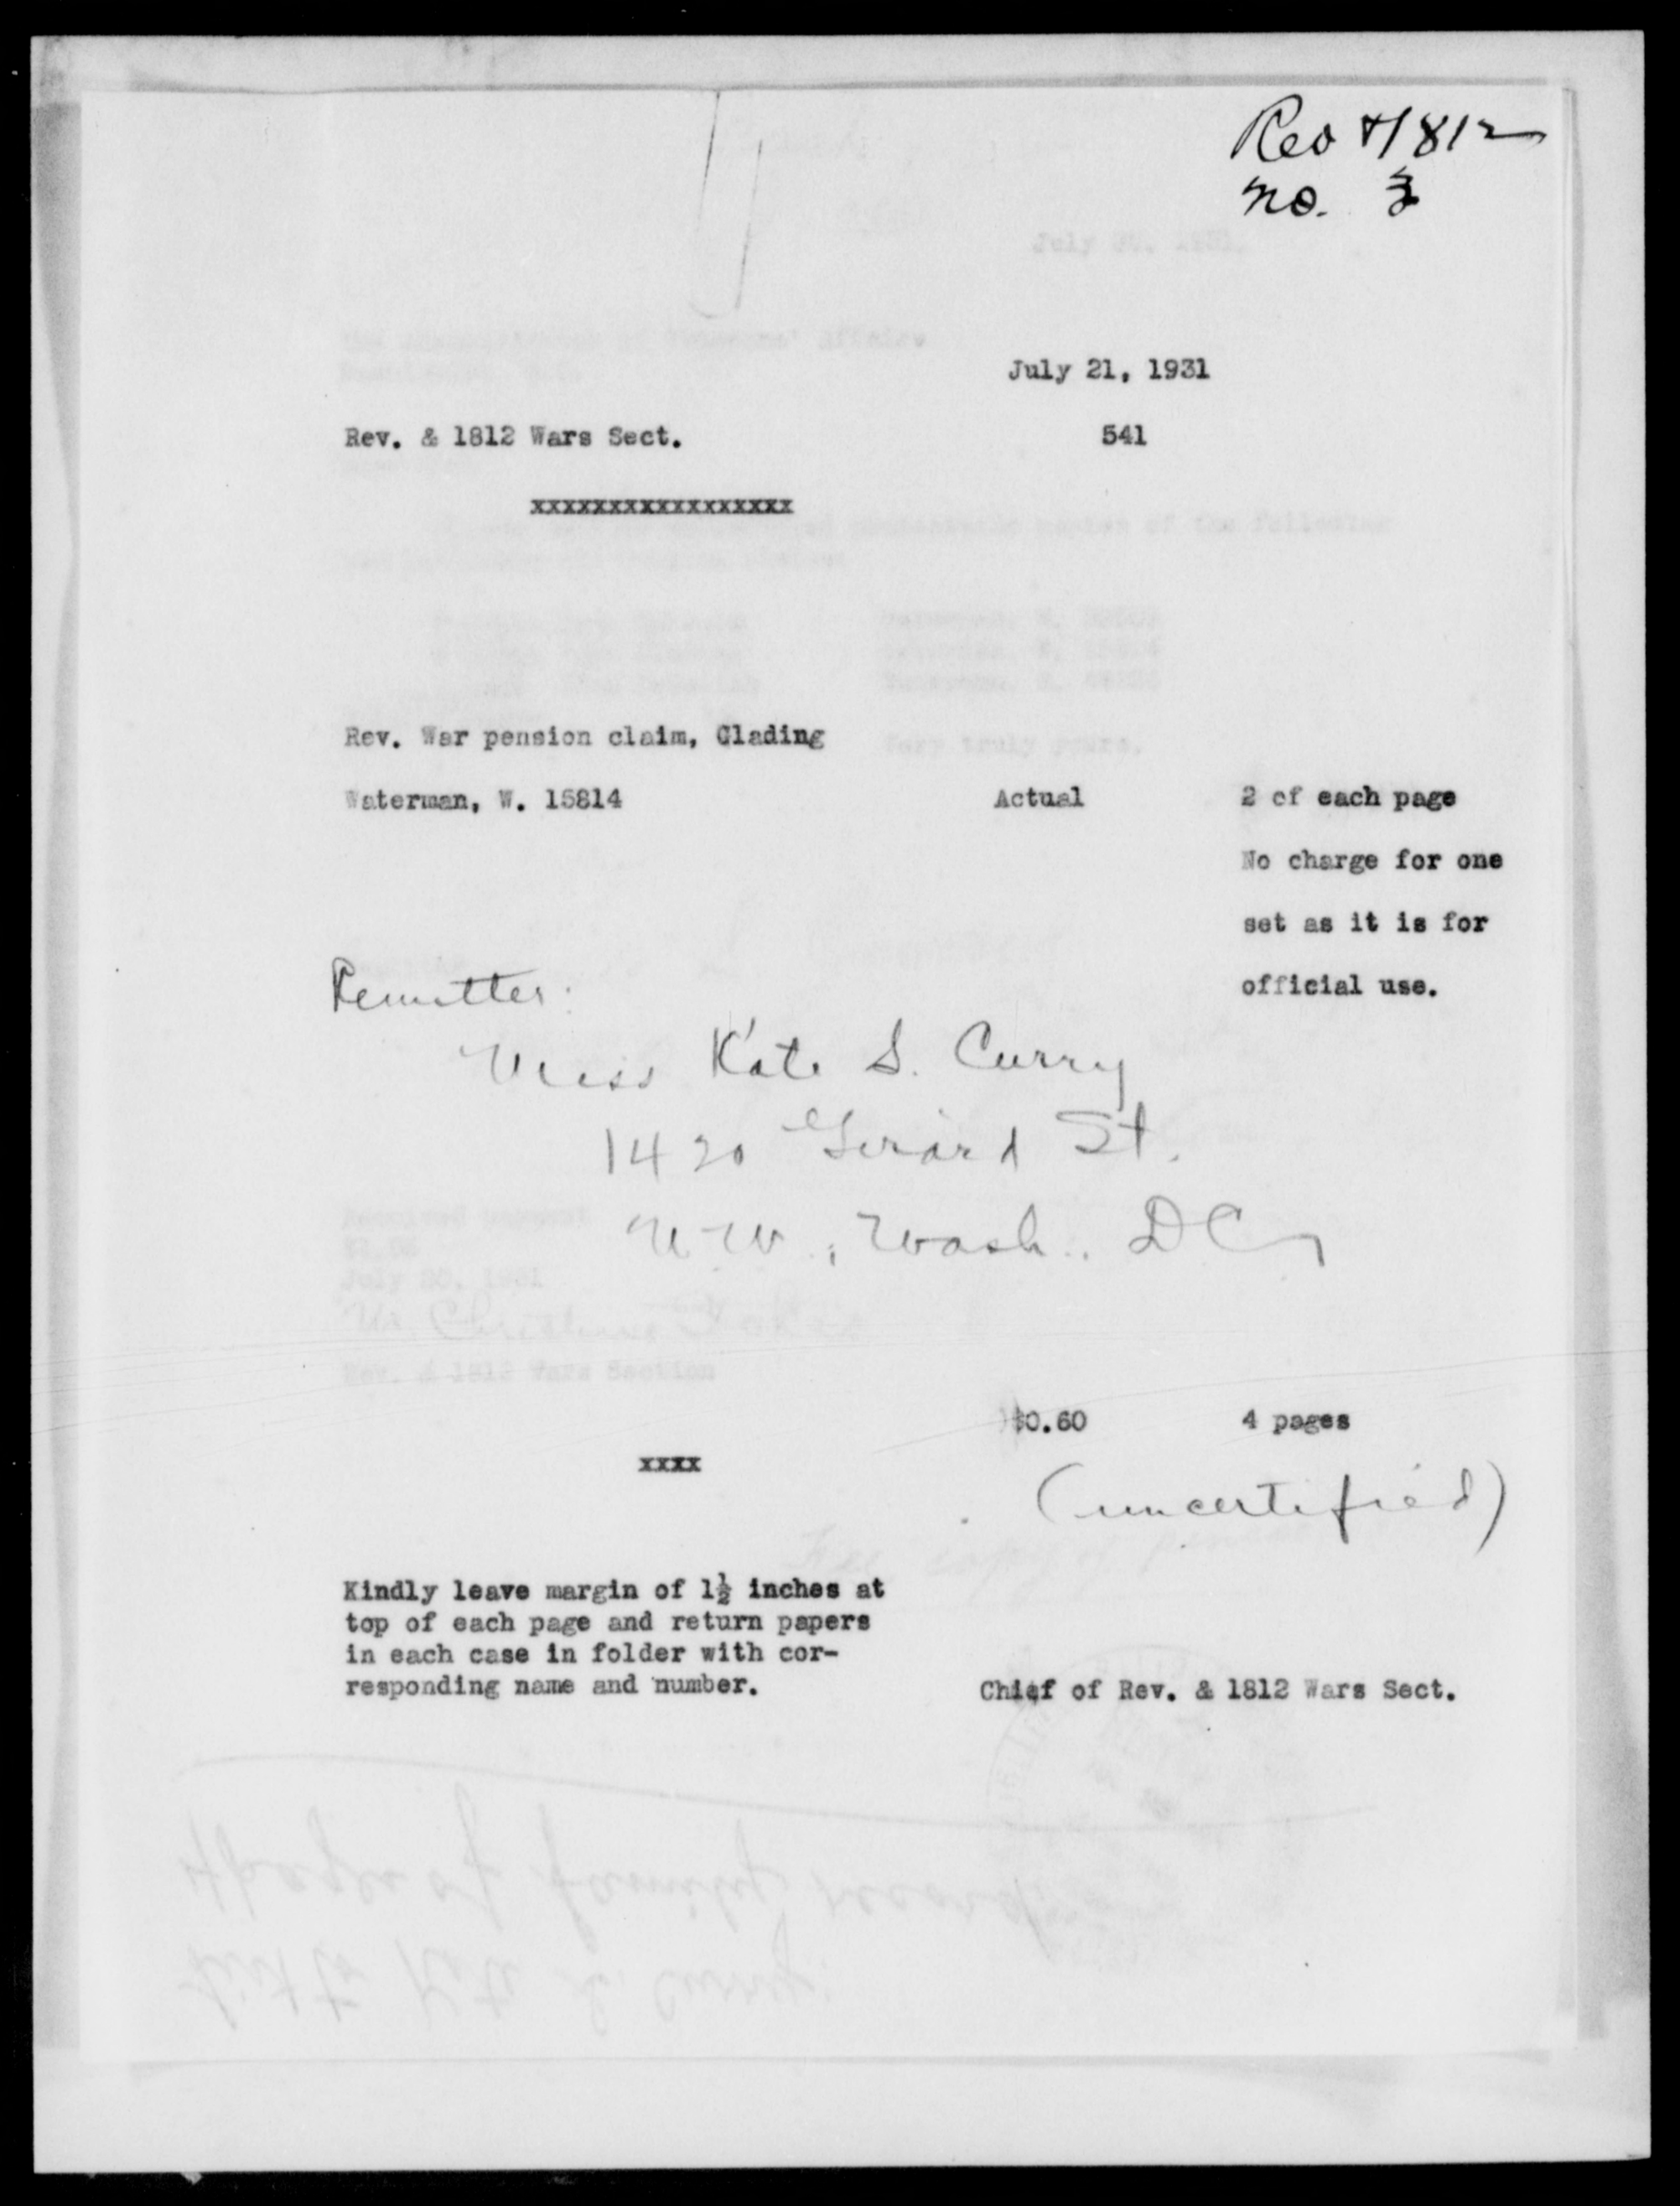Rev & 1812
No. 3

July 21, 1931
Rev. & 1812 Wars Sect.           541
xxxxxxxxxxxxxxxx

Rev. War pension claim, Glading
Waterman,  W 15814
Actual   2 of each page
              No charge for one
               set as it is for 
                official use.

Remitter:
          Miss Kate S. Curry
           1420 Gerard St.
            U W, Wash., DC

$0.60         4 pages
(uncertified)
xxxxx

Kindly leave margin of 1 1/2 inches at
top of each page and return papers
in each case in folder with corresponding 
name and number.
Chief of Rev. & 1812 Wars Sect.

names: Kate S Curry, Glading Waterman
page: 48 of 50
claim: widow's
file: W. 15814, Glading Waterman, Conn. Conn. Sea Service Continental